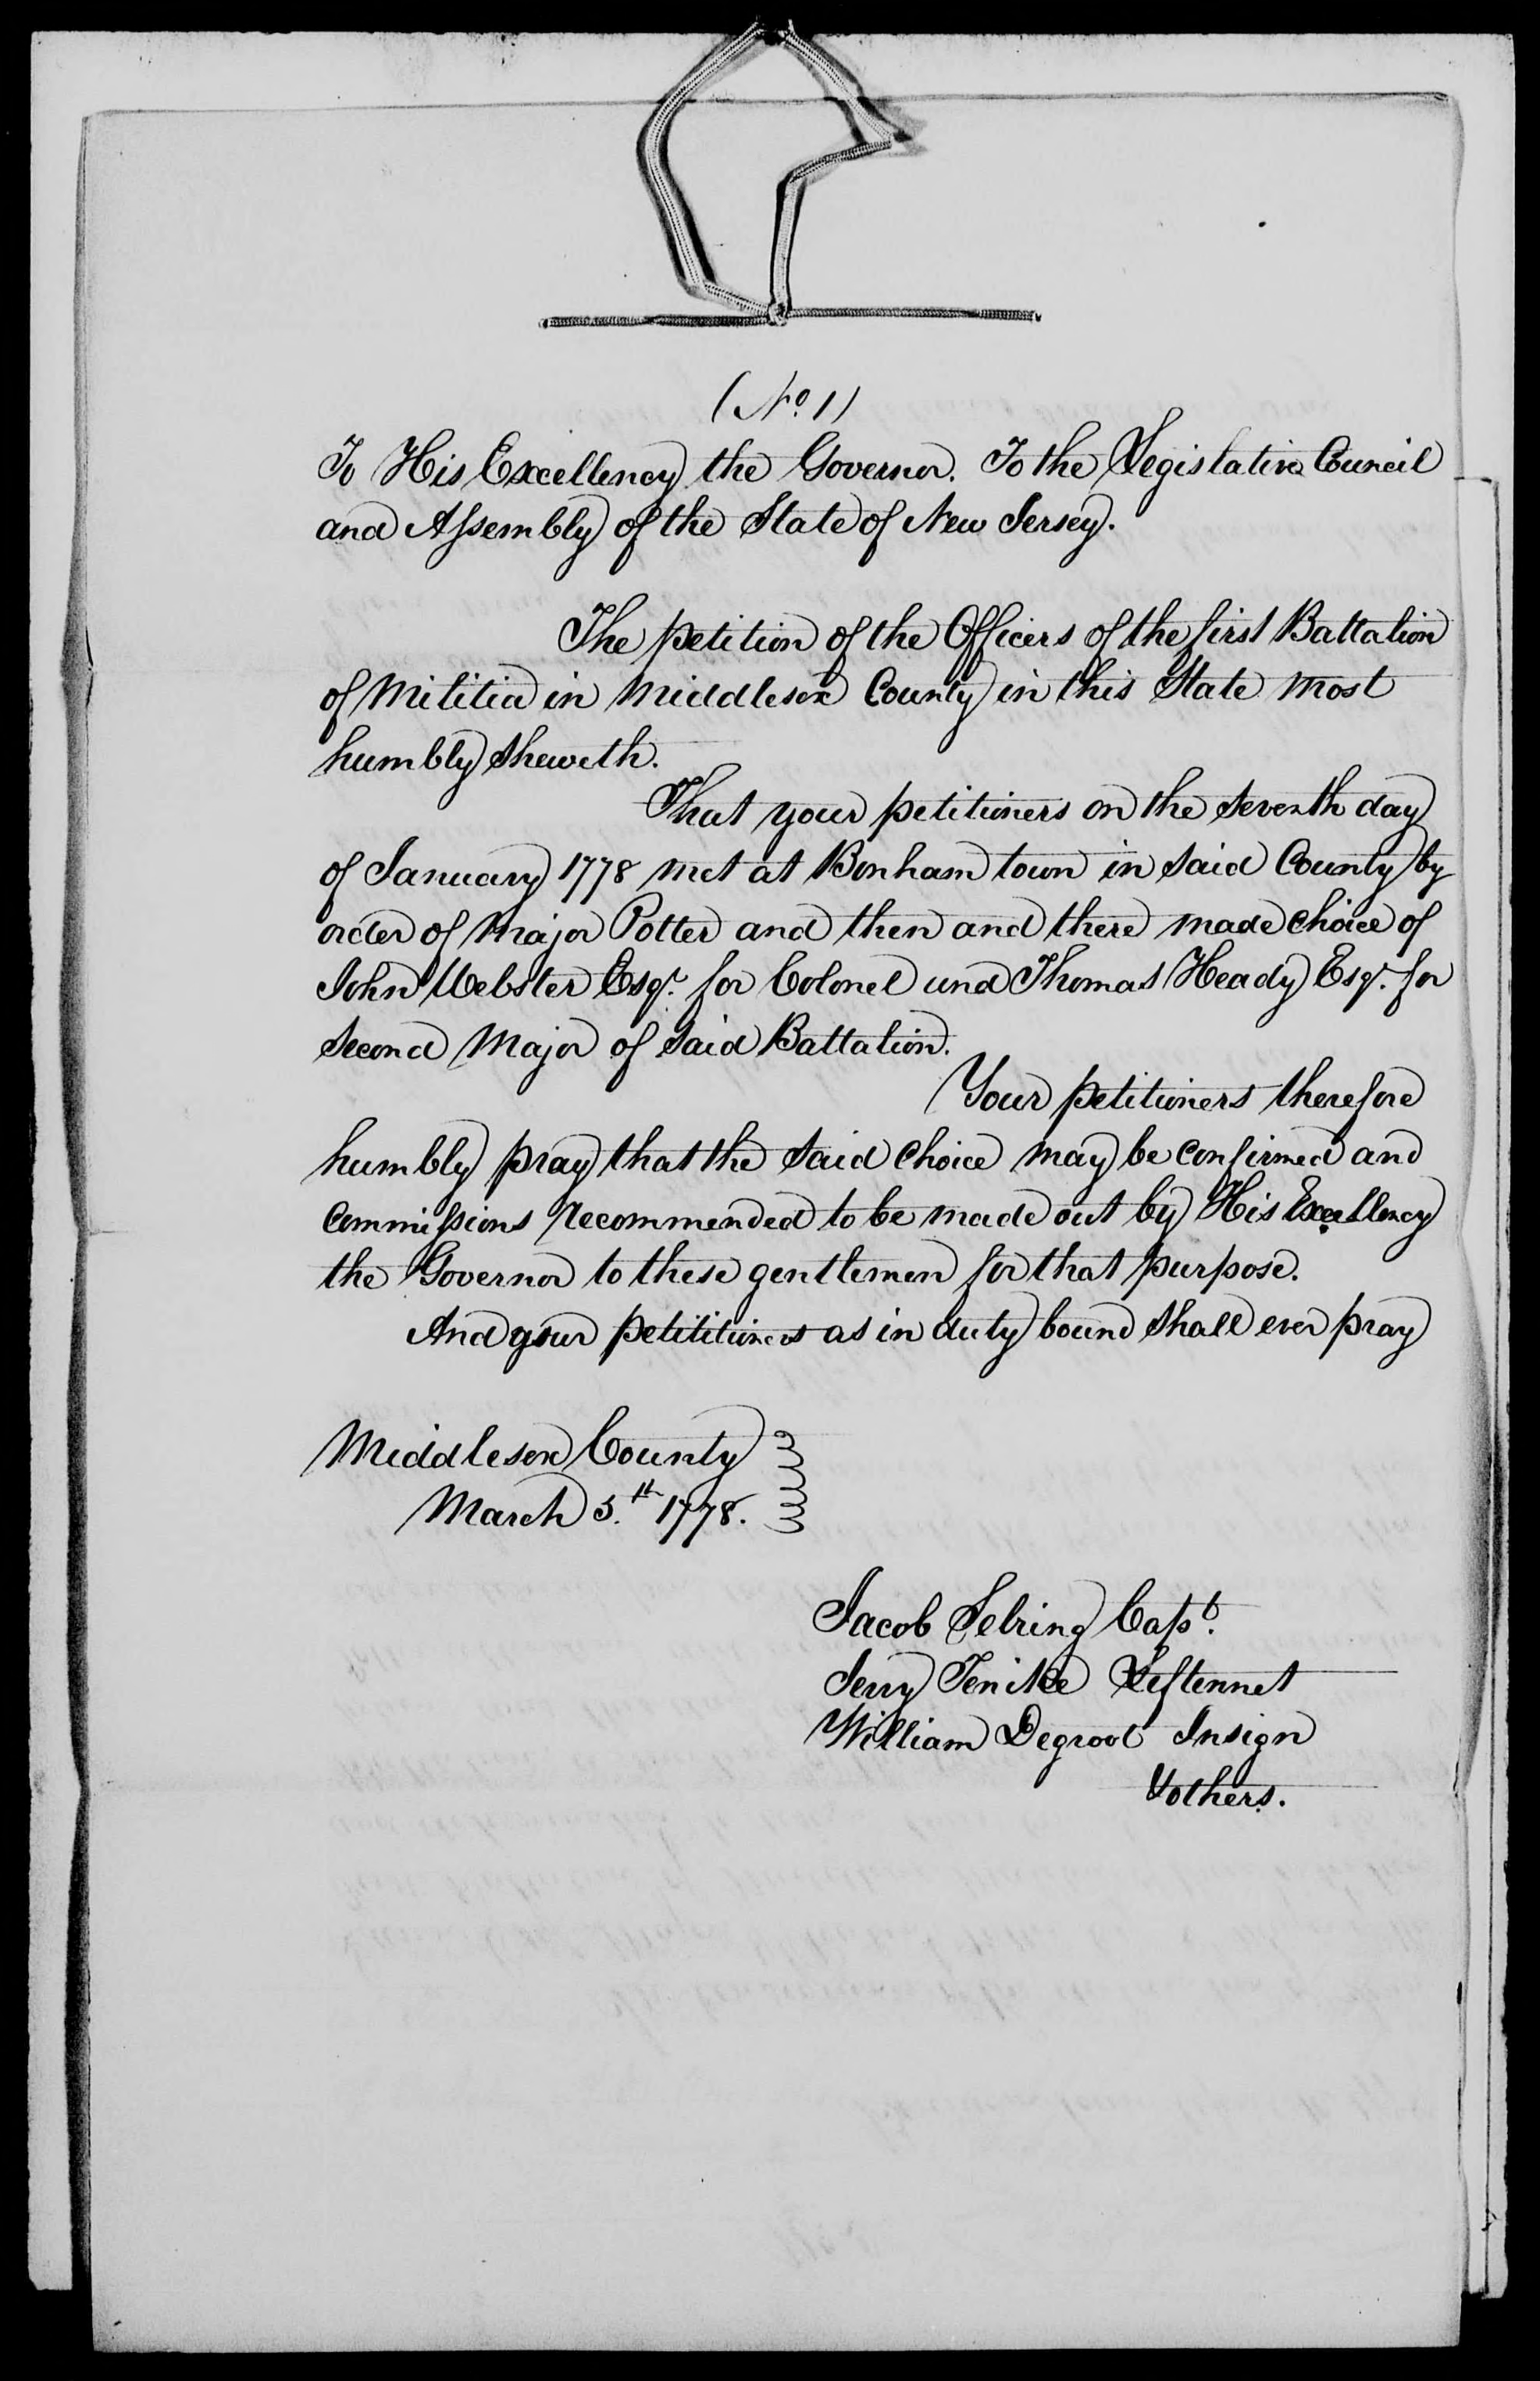(No 1)
To His Excellency the Governor, To the Legislative Council and Assembly of the State of New Jersey
   The petition of the Officers of the firsst Battalion of militia in Middlesex County in this state most humbly sheweth.
   That your petitioners o the seventh day of January 1778 met at Bonham town in said County by order of Major Potter and then and there made choice of John Webster Esqr. for Colonel and Thomas Heady Esqr. for Second Major of said Battalion.
   Your petitioners therefore humbly pray that the said choice may be confirmed and commissions recommended to be made out by His Excellency the Governor to these gentlemen for that purpose. 
   And your petitioners as in duty bound shall ever pray

Middlesex County
March 5 1778. }
Jacob Sebring Capt.
Jerry Tenike, Leftennet
William Degroot Insign
  + others.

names: Potter, Thomas Heady, Jerry Tenike, Jacob Sebring, William Degroot, John Webster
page: 43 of 77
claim: widow's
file: W. 417, William De Groot, New Jersey